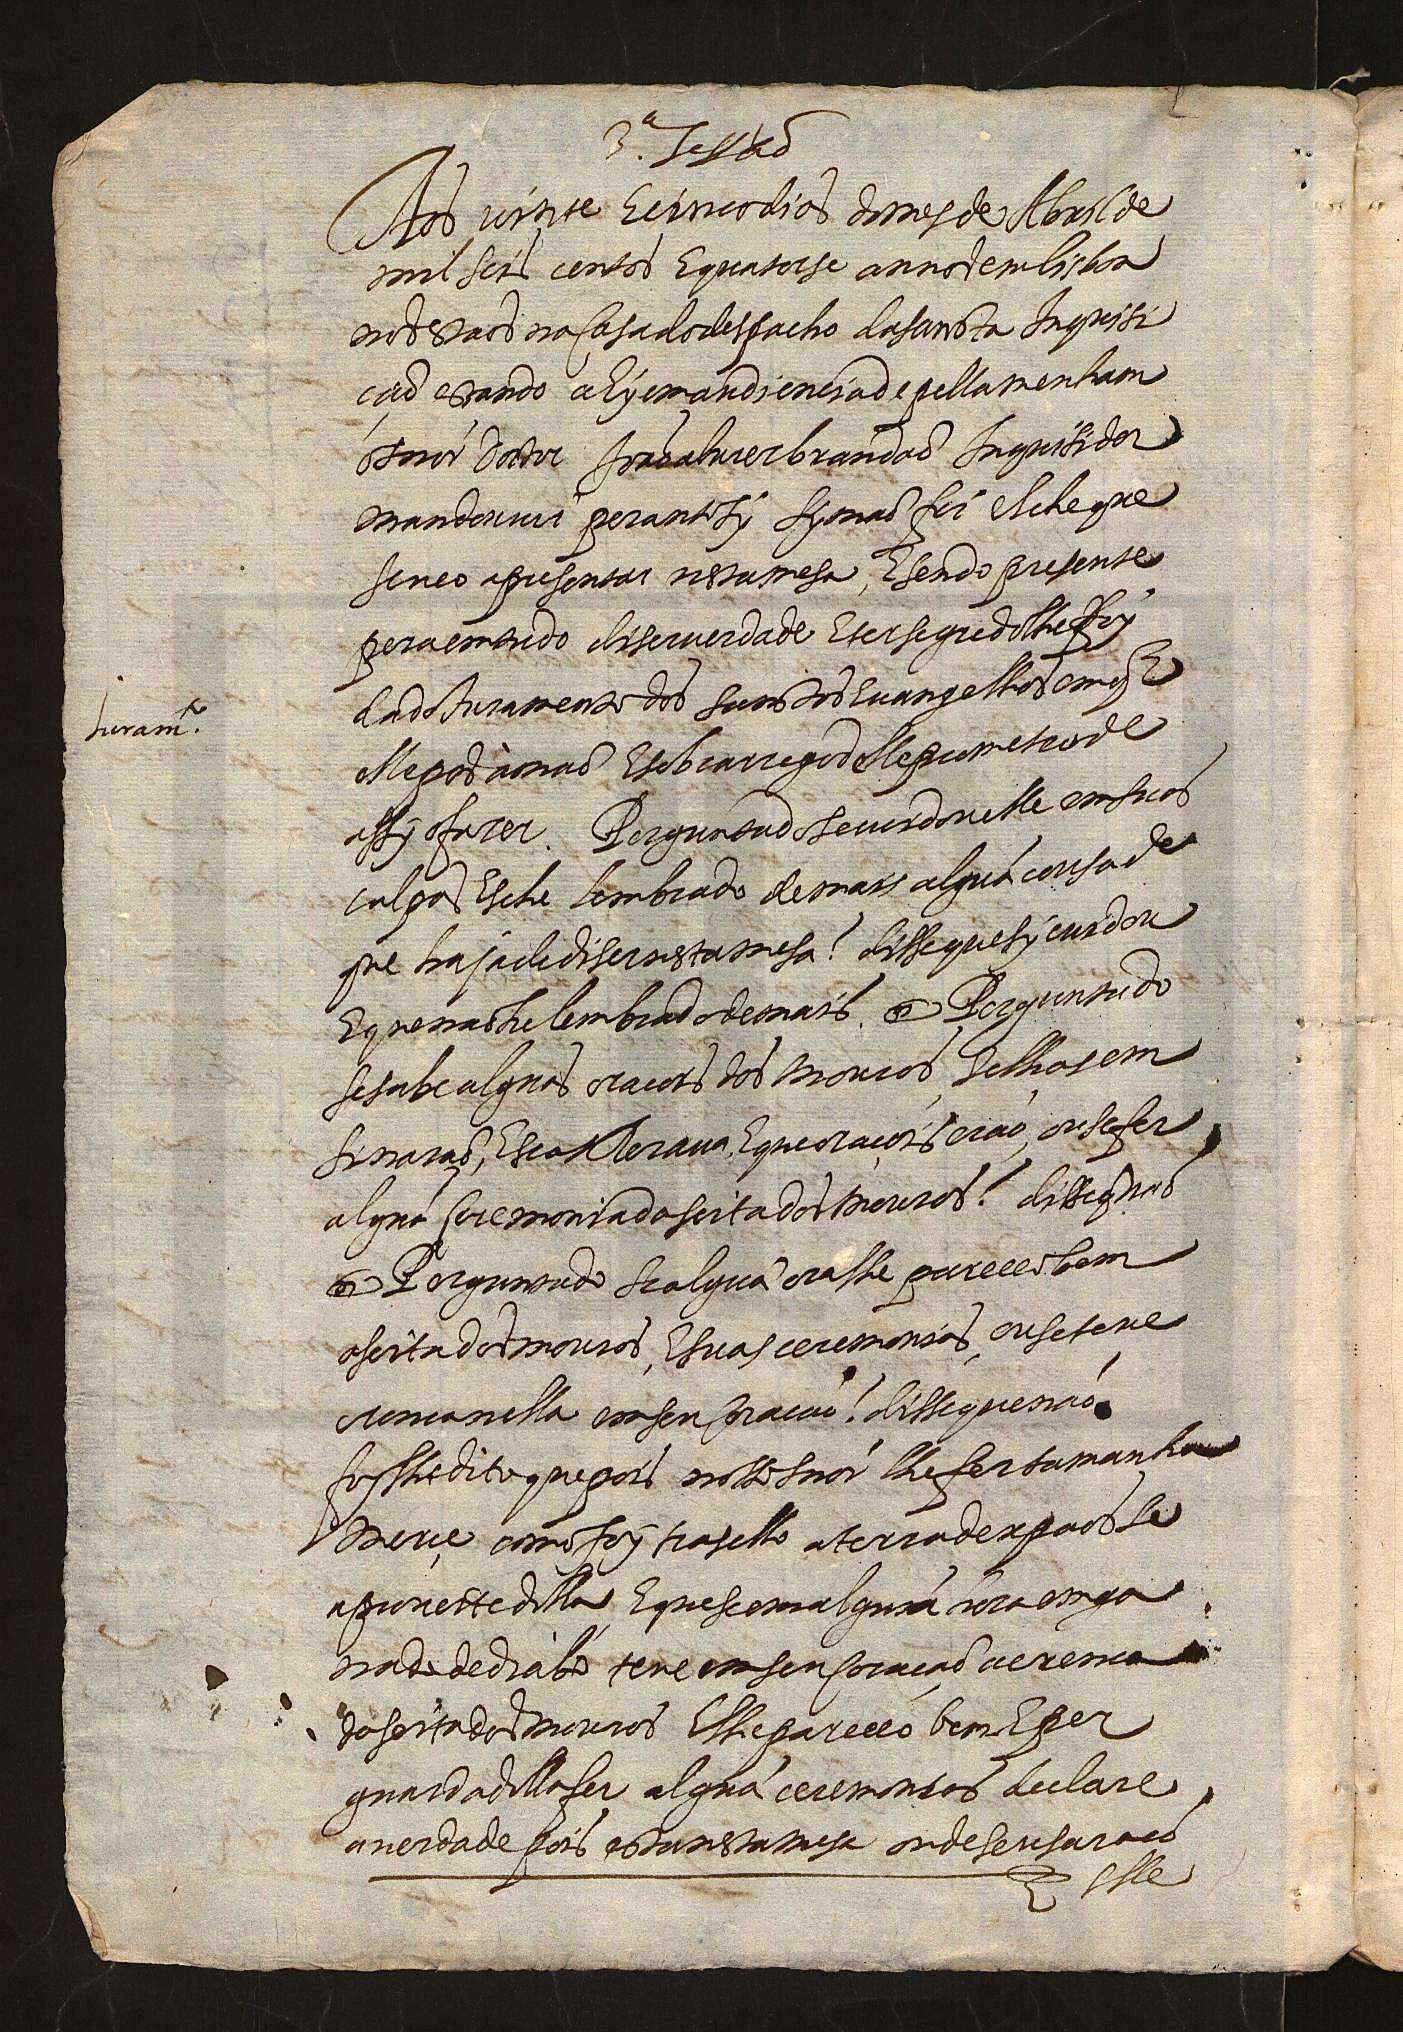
3.a sessaõ
Aos uinte E cinco dias do mes de Abril de
mil seiscentos E quatorse annos em lisboa
nos estaos na Casa do despacho da sancta Inquisi
çaõ estando ahy em audiencia de pella menham
o snor̄ Doctor Joaõ alurez brandaõ Inquisidor
mandou uir perante sy Symaõ frz̄ elche que
se ueo apresentar nesta mesa, E sendo presente
pera em tudo diser uerdade E ter segredo lhe foy
dado Iuramento dos sanctos Euangelhos em q̄
Iuram.to
elle pos a maõ E sob carrego delle prometeo de
assy o fazer. Perguntado se cuidou elle em suas
culpas E se he lembrado de mais alguā cousa de
que haja de dizer nesta mesa? disse que sy cuidou
E que naõ he lembrado de mais. ⁋ Perguntado
se sabe alguas oraçois dos mouros, se lhas em
sinaraõ, E se as Rezaua, E que oraçois eraõ, ou se fez
alguā Ceremonia da seita dos mouros? disse q̄ naõ
⁋ Perguntado se alguā ora lhe pareceo bem
a seita dos mouros, E suas ceremonias, ou se teue
crença nella em seu Coraçaõ? disse que naõ
foylhe dito que pois nosso snor̄ lhe fez tamanha
merce como foy trasello a terra de xpaõs se
aproueite della E que se em alguma hora emga
nado de diabo teue em seu Coraçaõ a crença
da seita dos mouros E lhe pareceo bem E por
guarda della fez alguā ceremonias declare
a uerdade pois esta nesta mesa onde se usara cō
Elle
